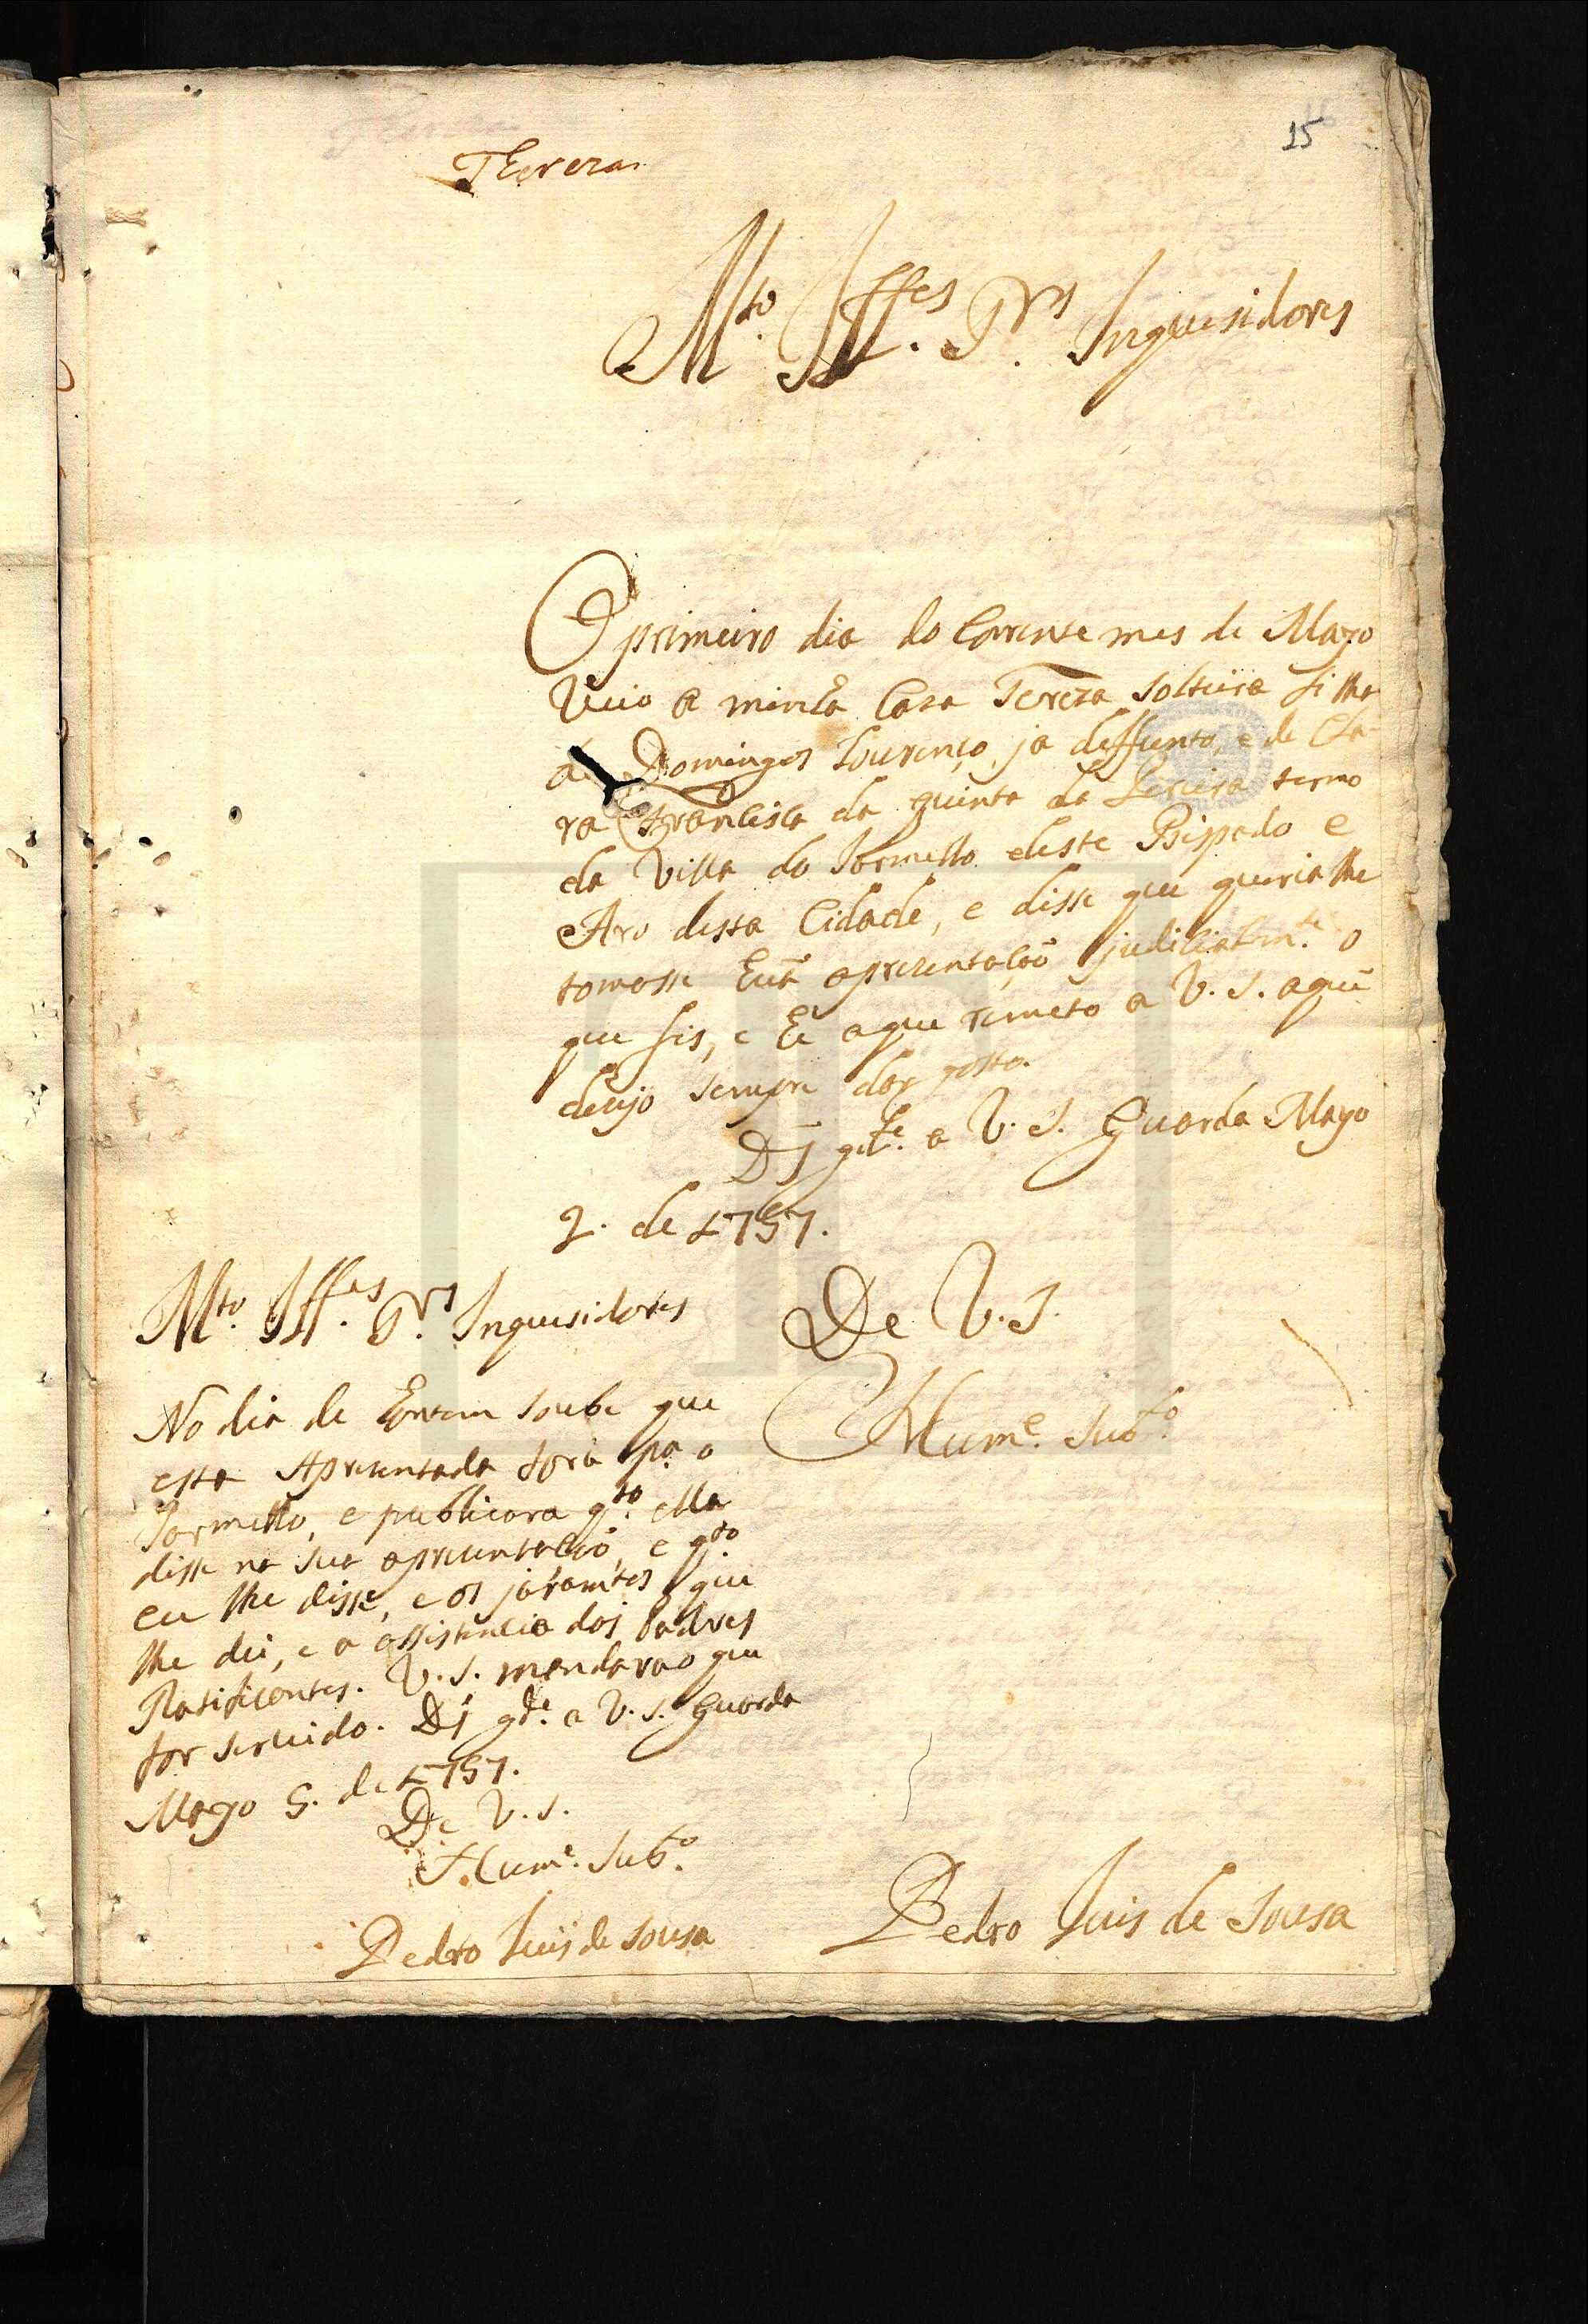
Thereza
M.to Il̄l.es S.res Inquisidores
O primeiro dia do Corrente mes de Mayo
veio a minha Caza Tereza solteira filha
d_ Domingos Lourenço, ja deffunto, e de Cla
ra Francisca da quinta da Pereira termo
da Villa do Iarmello deste Bispado e
Aro desta Cidade, e disse que queria lhe
tomasse huā aprezentaçaõ judicialm.te o
que fis, e he a que remeto a V. S. a quē
dezejo sempre dar gosto.
Ds̄ gde. a V. S. Guarda Mayo
2. de 1757.
M.to Il̄l.es s.rs Inquisidores
De V. S.
No dia de hontem soube que
Hum.e Subo.
esta Aprezentada fora p.a o
Jarmello, e publicara q.to ella
disse na sua aprezentaçaõ, e q.to
eu lhe disse, e os juram.tos que
lhe dei, e a assistencia dos Padres
Ratificantes. V. S. mandara o que
for seruido. Ds̄ gd.e a V. s. Guarda
Mayo 5. de 1757.
De V. s.
Hum.e sub.o
